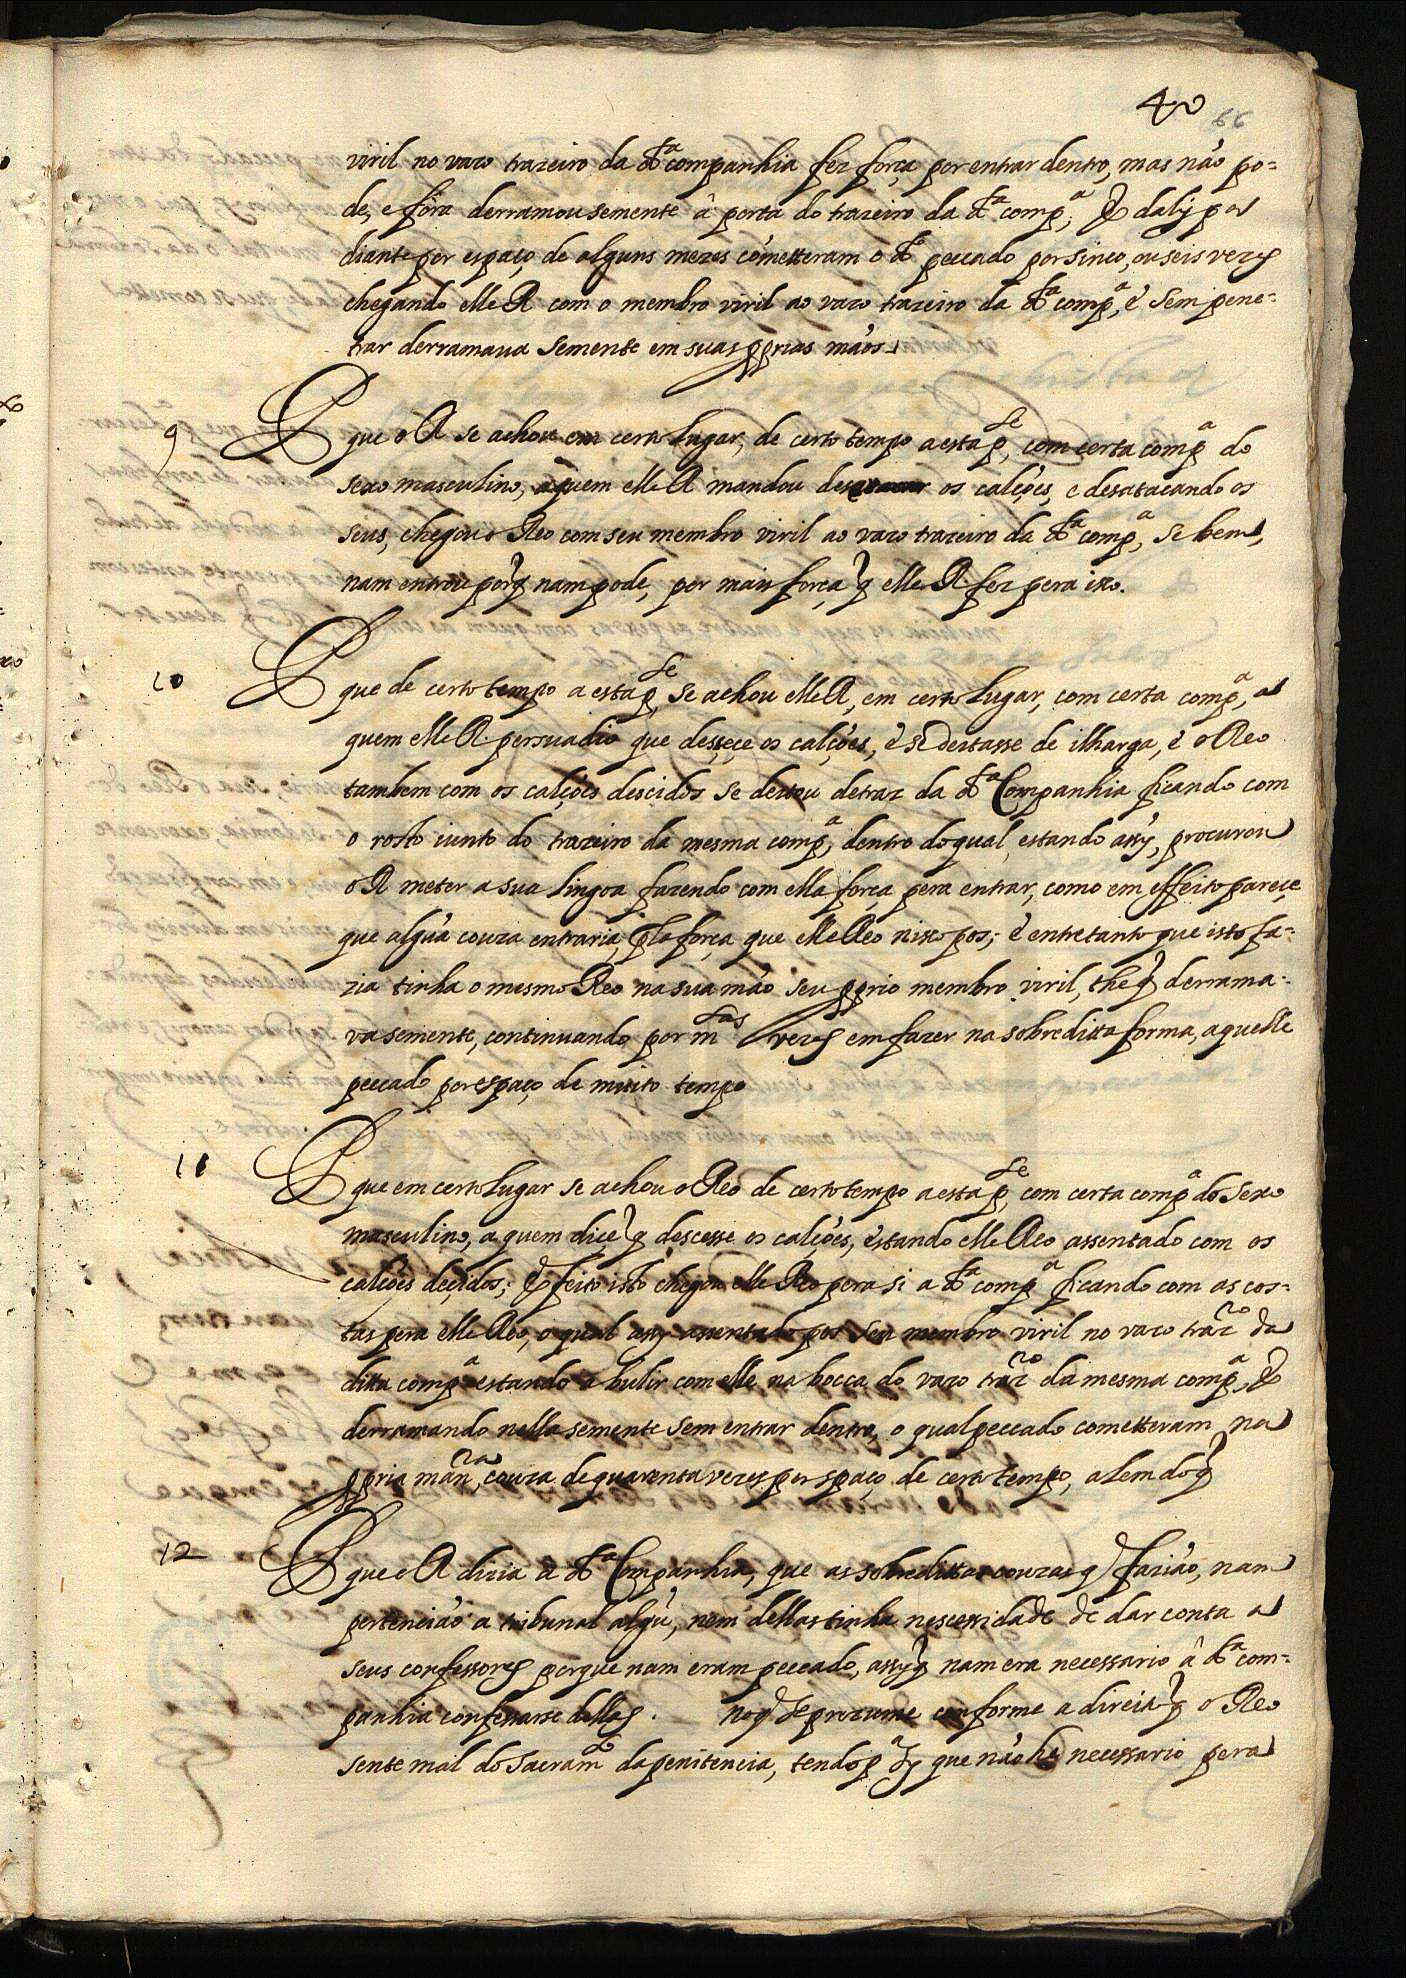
40
viril no vazo trazeiro da d̄a companhia fez força por entrar dentro, mas não po
de, e fora derramou semente a porta do trazeiro da d̄a compa, & daly por
diante por espaço de alguns mezes cometteram o d̄o peccado por sinco, ou seis vezes
chegando elle R com o membro viril ao vazo trazeiro da d̄a compa, e Sem pene
trar derramaua semente em suas ꝓprias maõs
9 P que o R se achou em certo lugar, de certo tempo a esta pte, com certa compa do
sexo masculino, a quem elle R mandou des_ os calções, e desatacando os
seus, chegou o Reo com seu membro viril ao vazo trazeiro da d̄a compa, se bem,
nam entrou porq̄ nam pode, por mais força q̄ elle R. fez pera isso.
10
P que de certo tempo a esta pte se achou elle R, em certo Lugar, com certa compa, a
quem elle R. persuadio que dessece os calções, e se deitasse de ilharga, e o Reo
tambem com os calções descidos se deitou detraz da d̄a Companhia ficando com
o rosto iunto do trazeiro da mesma compa, dentro do qual, estando assy, procurou
o R meter a sua lingoa fazendo com ella força pera entrar, como em effeito parece
que alguā couza entraria, p̄la força que elle Reo nisso pos; e entretanto que isto fa
zia tinha o mesmo Reo na sua mão seu ꝓprio membro viril, the q̄ derrama
va semente, continuando por mtas vezes em fazer na sobreditta forma, aquelle
peccado por espaço de muito tempo
11
P que em certo Lugar se achou o Reo de certo tempo a esta pte, com certa compa do sexo
masculino, a quem dice q̄ descesse os calções, estando elle Reo assentado com os
calçoes decidos, & feito isto chegou elle Reo pera si a d̄a compa ficando com as cos
tas pera elle Reo, o qual assy assentado pos seu membro viril no vazo trazro da
ditta compa estando a bulir com elle na bocca do vazo trazro da mesma compa, &
derramando nella semente sem entrar dentro, o qual peccado cometteram, na
ꝓpria manra, couza de quarenta vezes por spaço de certo tempo, alem do q̄
12
P que o R dizia a d̄a Companhia, que as sobredittas couzas q̄ faziaõ, nam
pertenciaõ a tribunal algū, nem dellas tinha nescessidade de dar conta a
seus confessores porque nam eram peccado, assy q̄ nam era necessario a d̄a com
panhia confessarse dellas. no q̄ se prezume conforme a direito q̄ o Reo
sente mal do Sacramto da penitencia, tendo p.a sy que não he necessario pera
